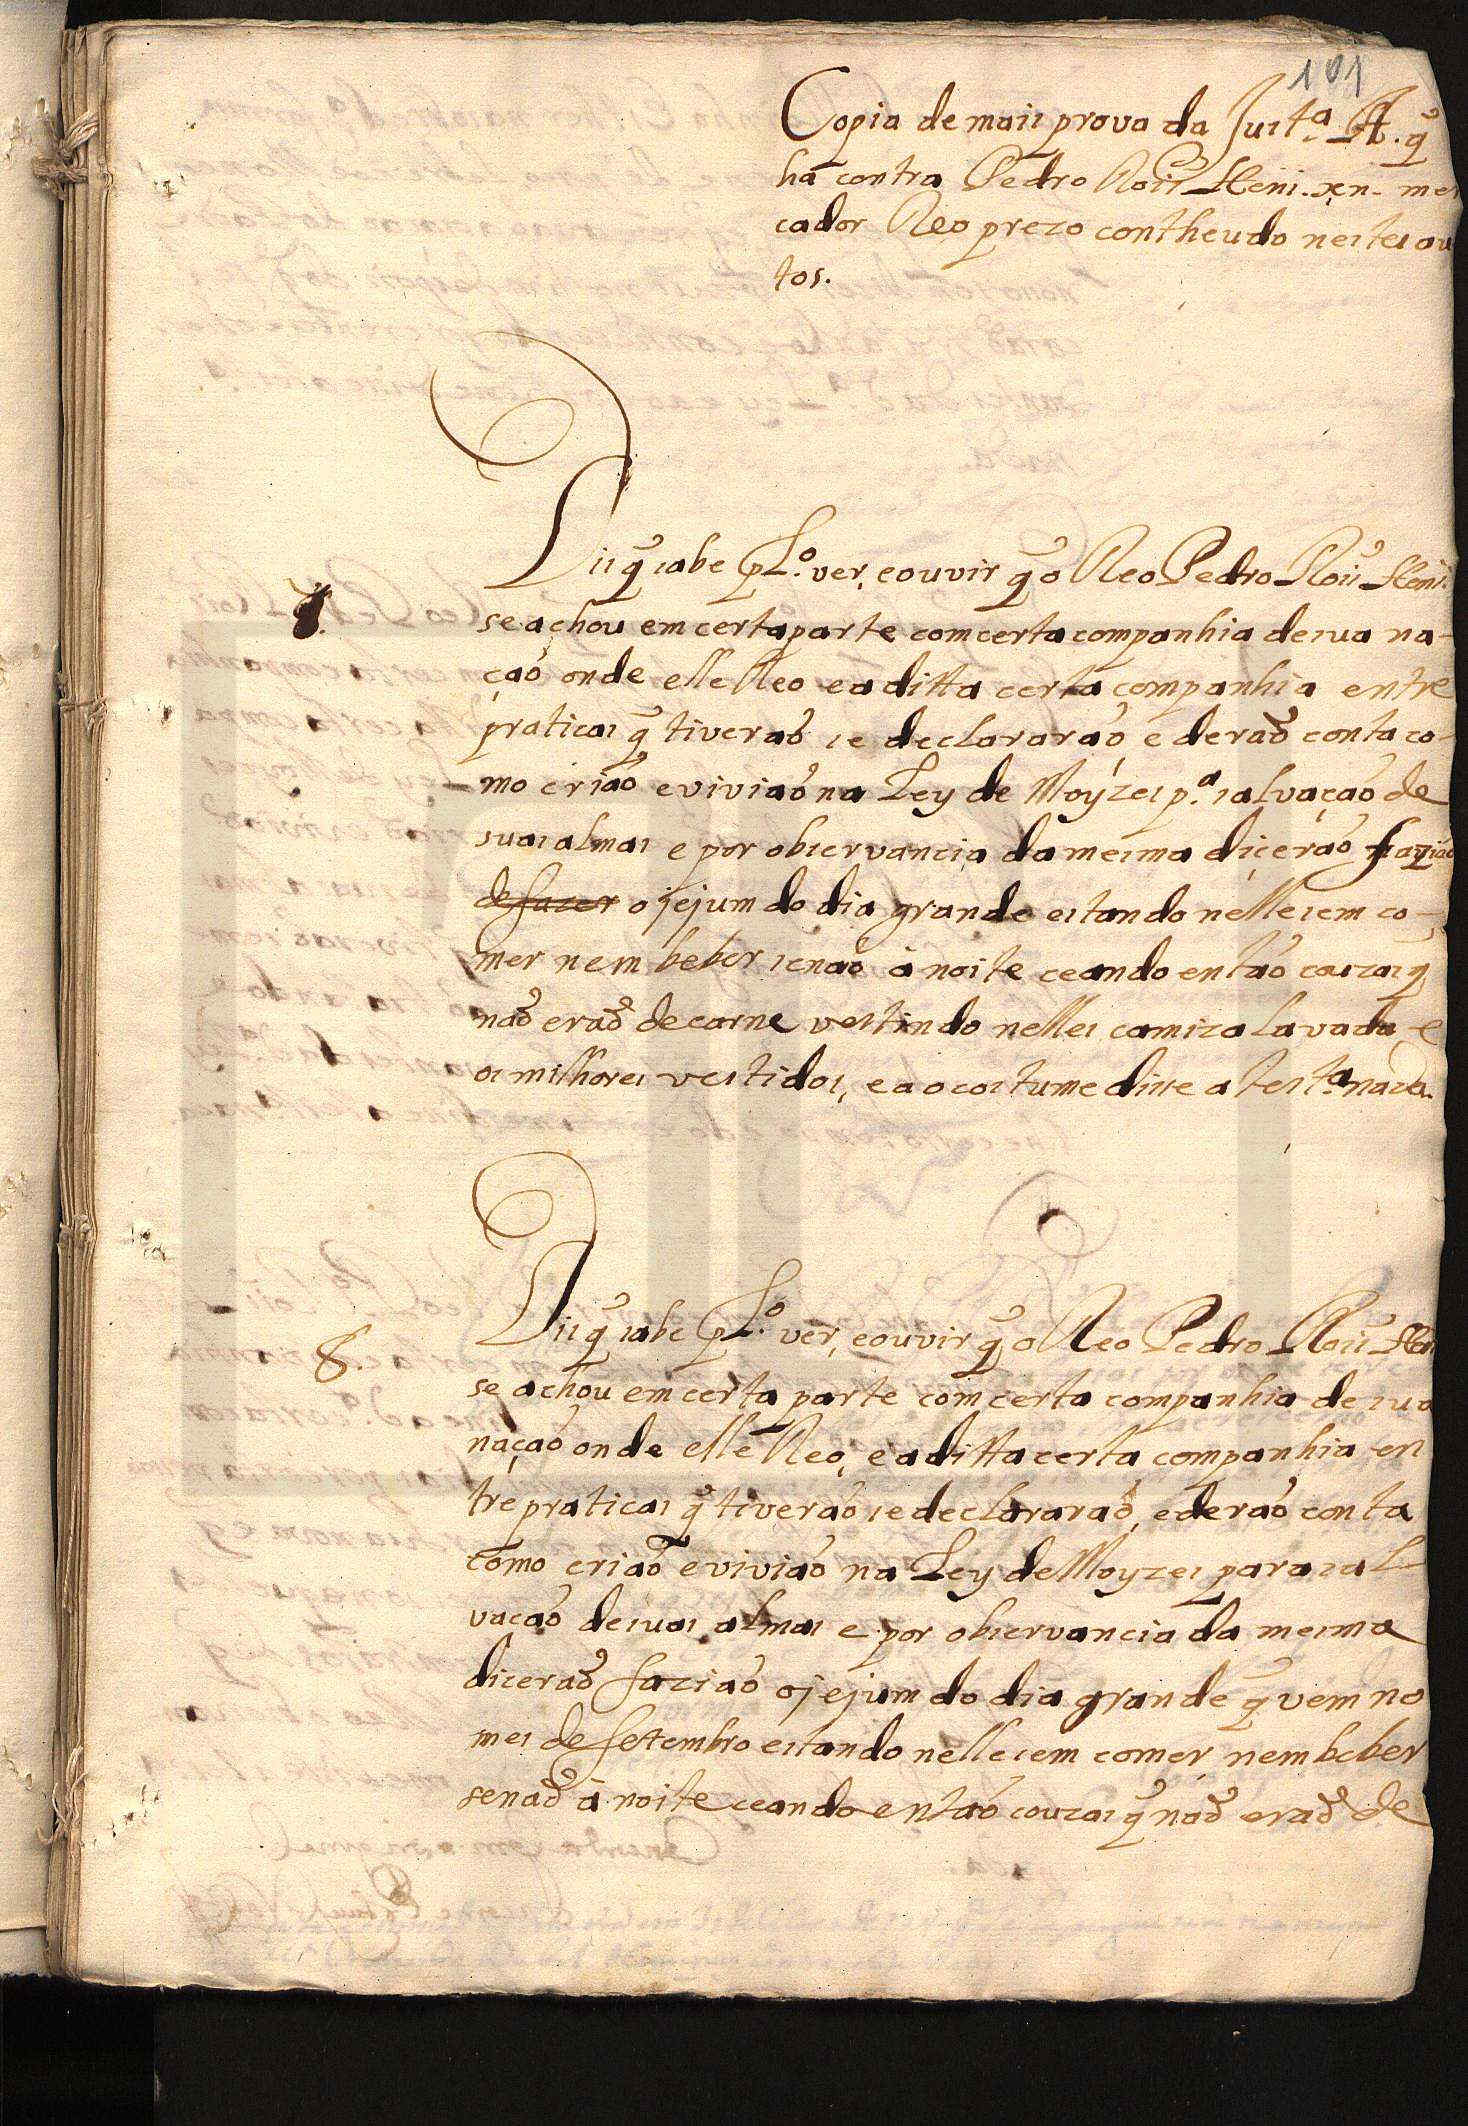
8.
Copia de mais prova da Just.a A. q̄
ha contra Pedro Roiz̄ Hen̄s̄ x n - mer
cador Reo prezo contheudo nestes au
tos.
Dis q̄ sabe pL.o ver, e ouvir q̄ o Reo Pedro Rois̄ Hens̄
se achou em certa parte com certa companhia de sua na
çaõ onde elle Reo e a ditta certa companhia entre
praticas q̄ tiveraõ se declararaõ, e deraõ conta co
mo criaõ e viviaõ na Ley de Moyzes p.a salvaçaõ de
suas almas e por observancia da mesma diçeraõ fazião
de fazer o jejum do dia grande estando nelle sem co
mer nem beber senaõ á noite ceando entaõ couzas q̄
naõ eraõ de carne vestindo nelles camiza Lavada e
os milhores vestidos, e ao costume disse a test.a nada.
Diz q̄ sabe pL.o ver, e ouvir q̄ o Reo Pedro Rois̄ Hen
se achou em certa parte com certa companhia de sua
naçaõ onde elle Reo, e a ditta certa companhia en
tre praticas q̄ tiveraõ se declararaõ, e deraõ conta
como criaõ e viviaõ na Ley de Moyzes para sal
vaçaõ de suas almas e por observancia da mesma
diceraõ faziaõ o jejum do dia grande q̄ vem no
mes de setembro estando nelle sem comer nem beber
senaõ à noite ceando entaõ couzas q̄ naõ eraõ de
